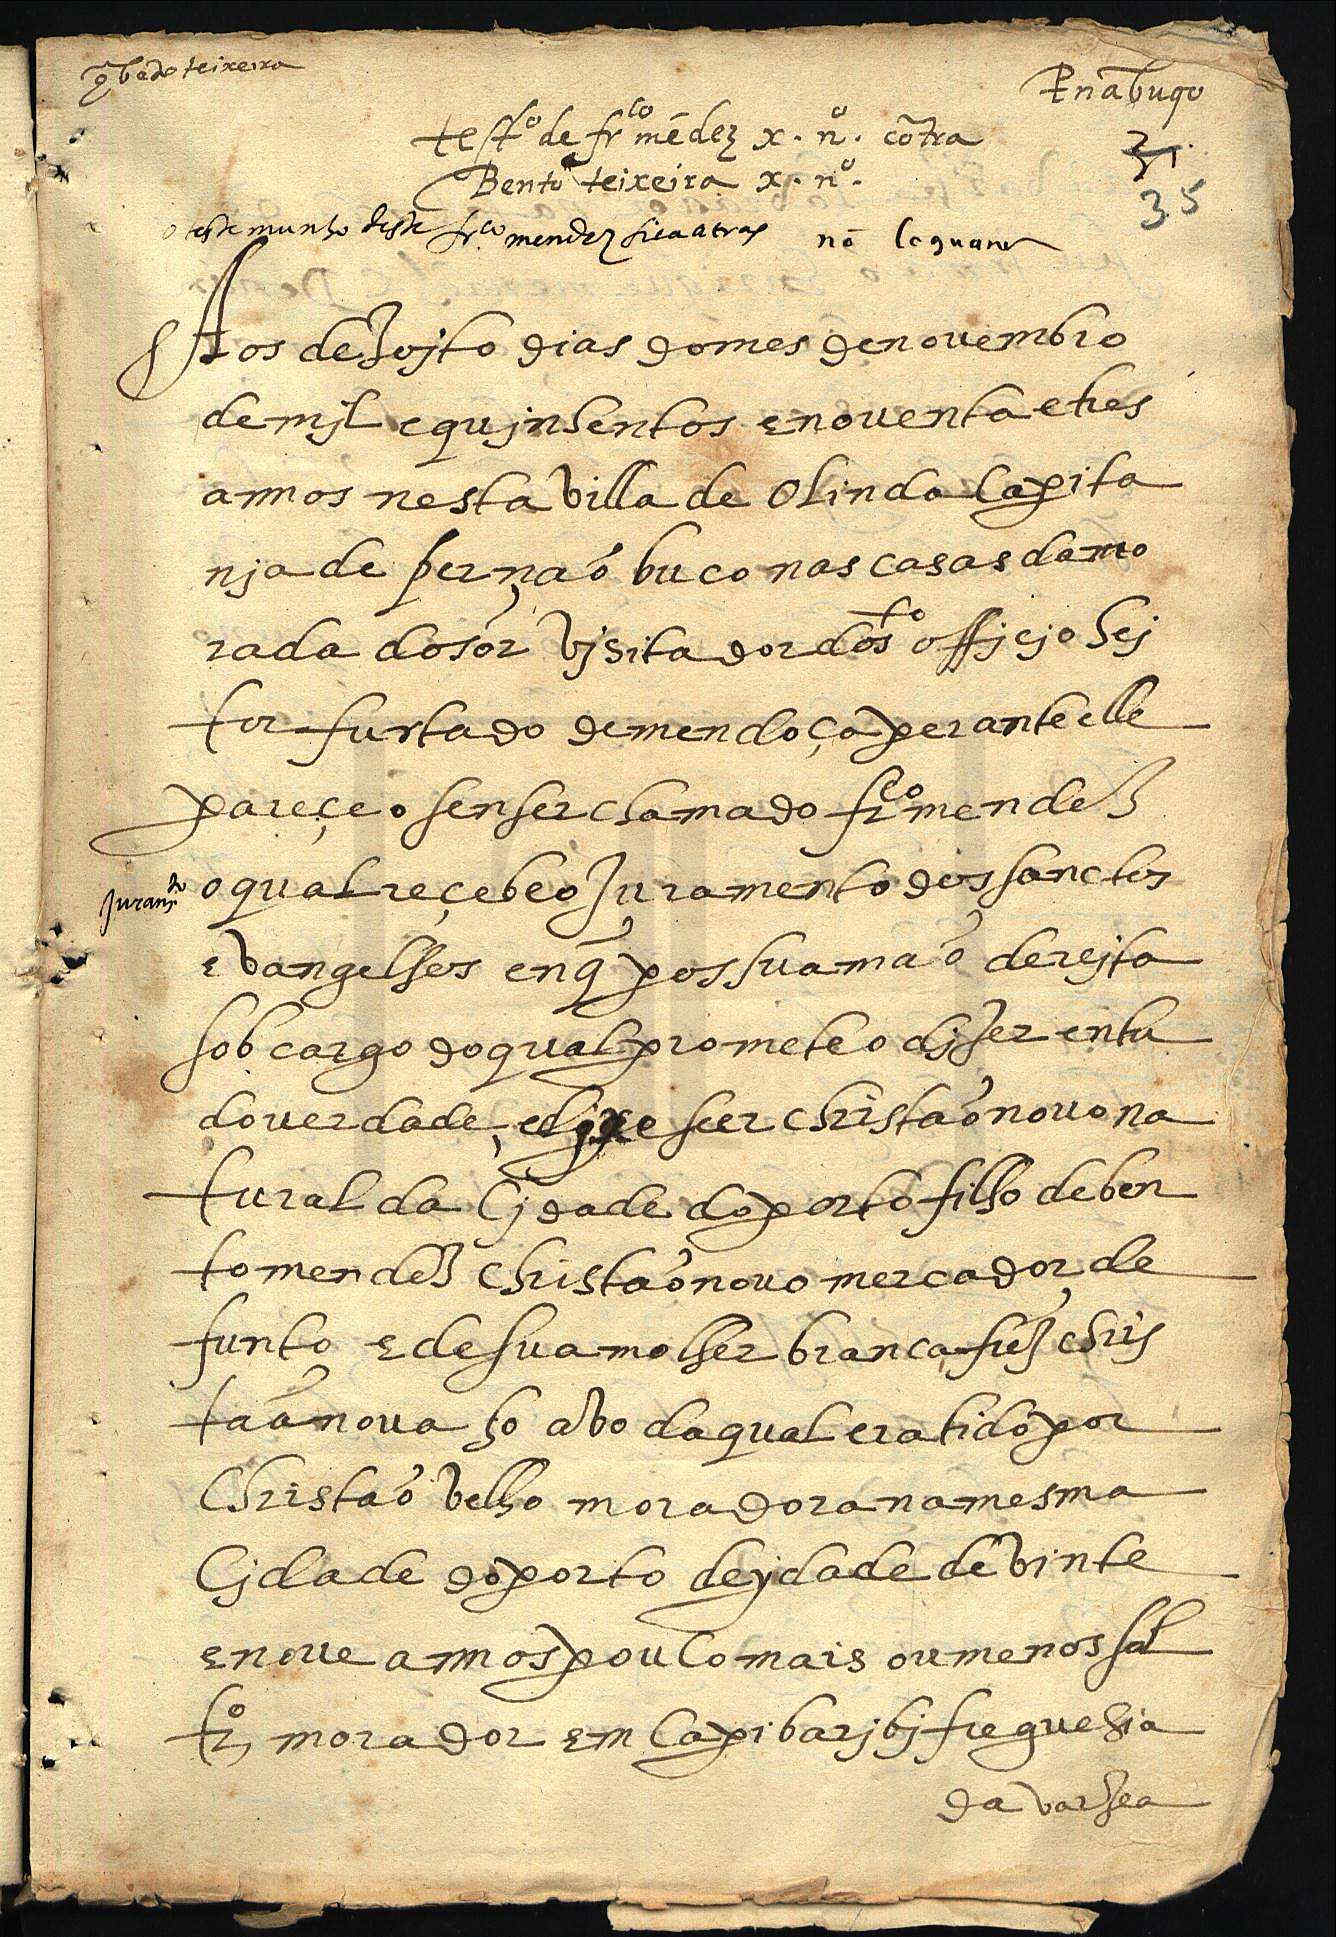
testo de frco mēdez x. no. cōtra
Bento teixeira x. no.
Aos dezojto dias do mes de nouembro
de mjl e qujnhentos E nouenta e tres
annos nesta villa de OLinda Capita
nia de Pernaõbuco nas casas da mo
rada do sōr vjsitador do sto offjcjo hej
tor furtado de mendoça perante elle
pareçeo sen ser chamado frco mendez
o qual reçebeo Juramento dos sanctos
Evangelhos en q̄ pos sua maõ derejta
sob cargo do qual prometeo djzer en tu
do uerdade, e djxe seer christaõ nouo na
tural da Cjdade do porto filho de ben
to mendez christaõ nouo mercador de
funto E de sua molher branca frez̄ chris
taā noua ho avo da qual era tido por
Christaõ velho moradora na mesma
Cjdade do porto de ydade de vinte
E noue annos pouco mais ou menos soL
tro morador Em Capibarjbj freguesia
da varzea
